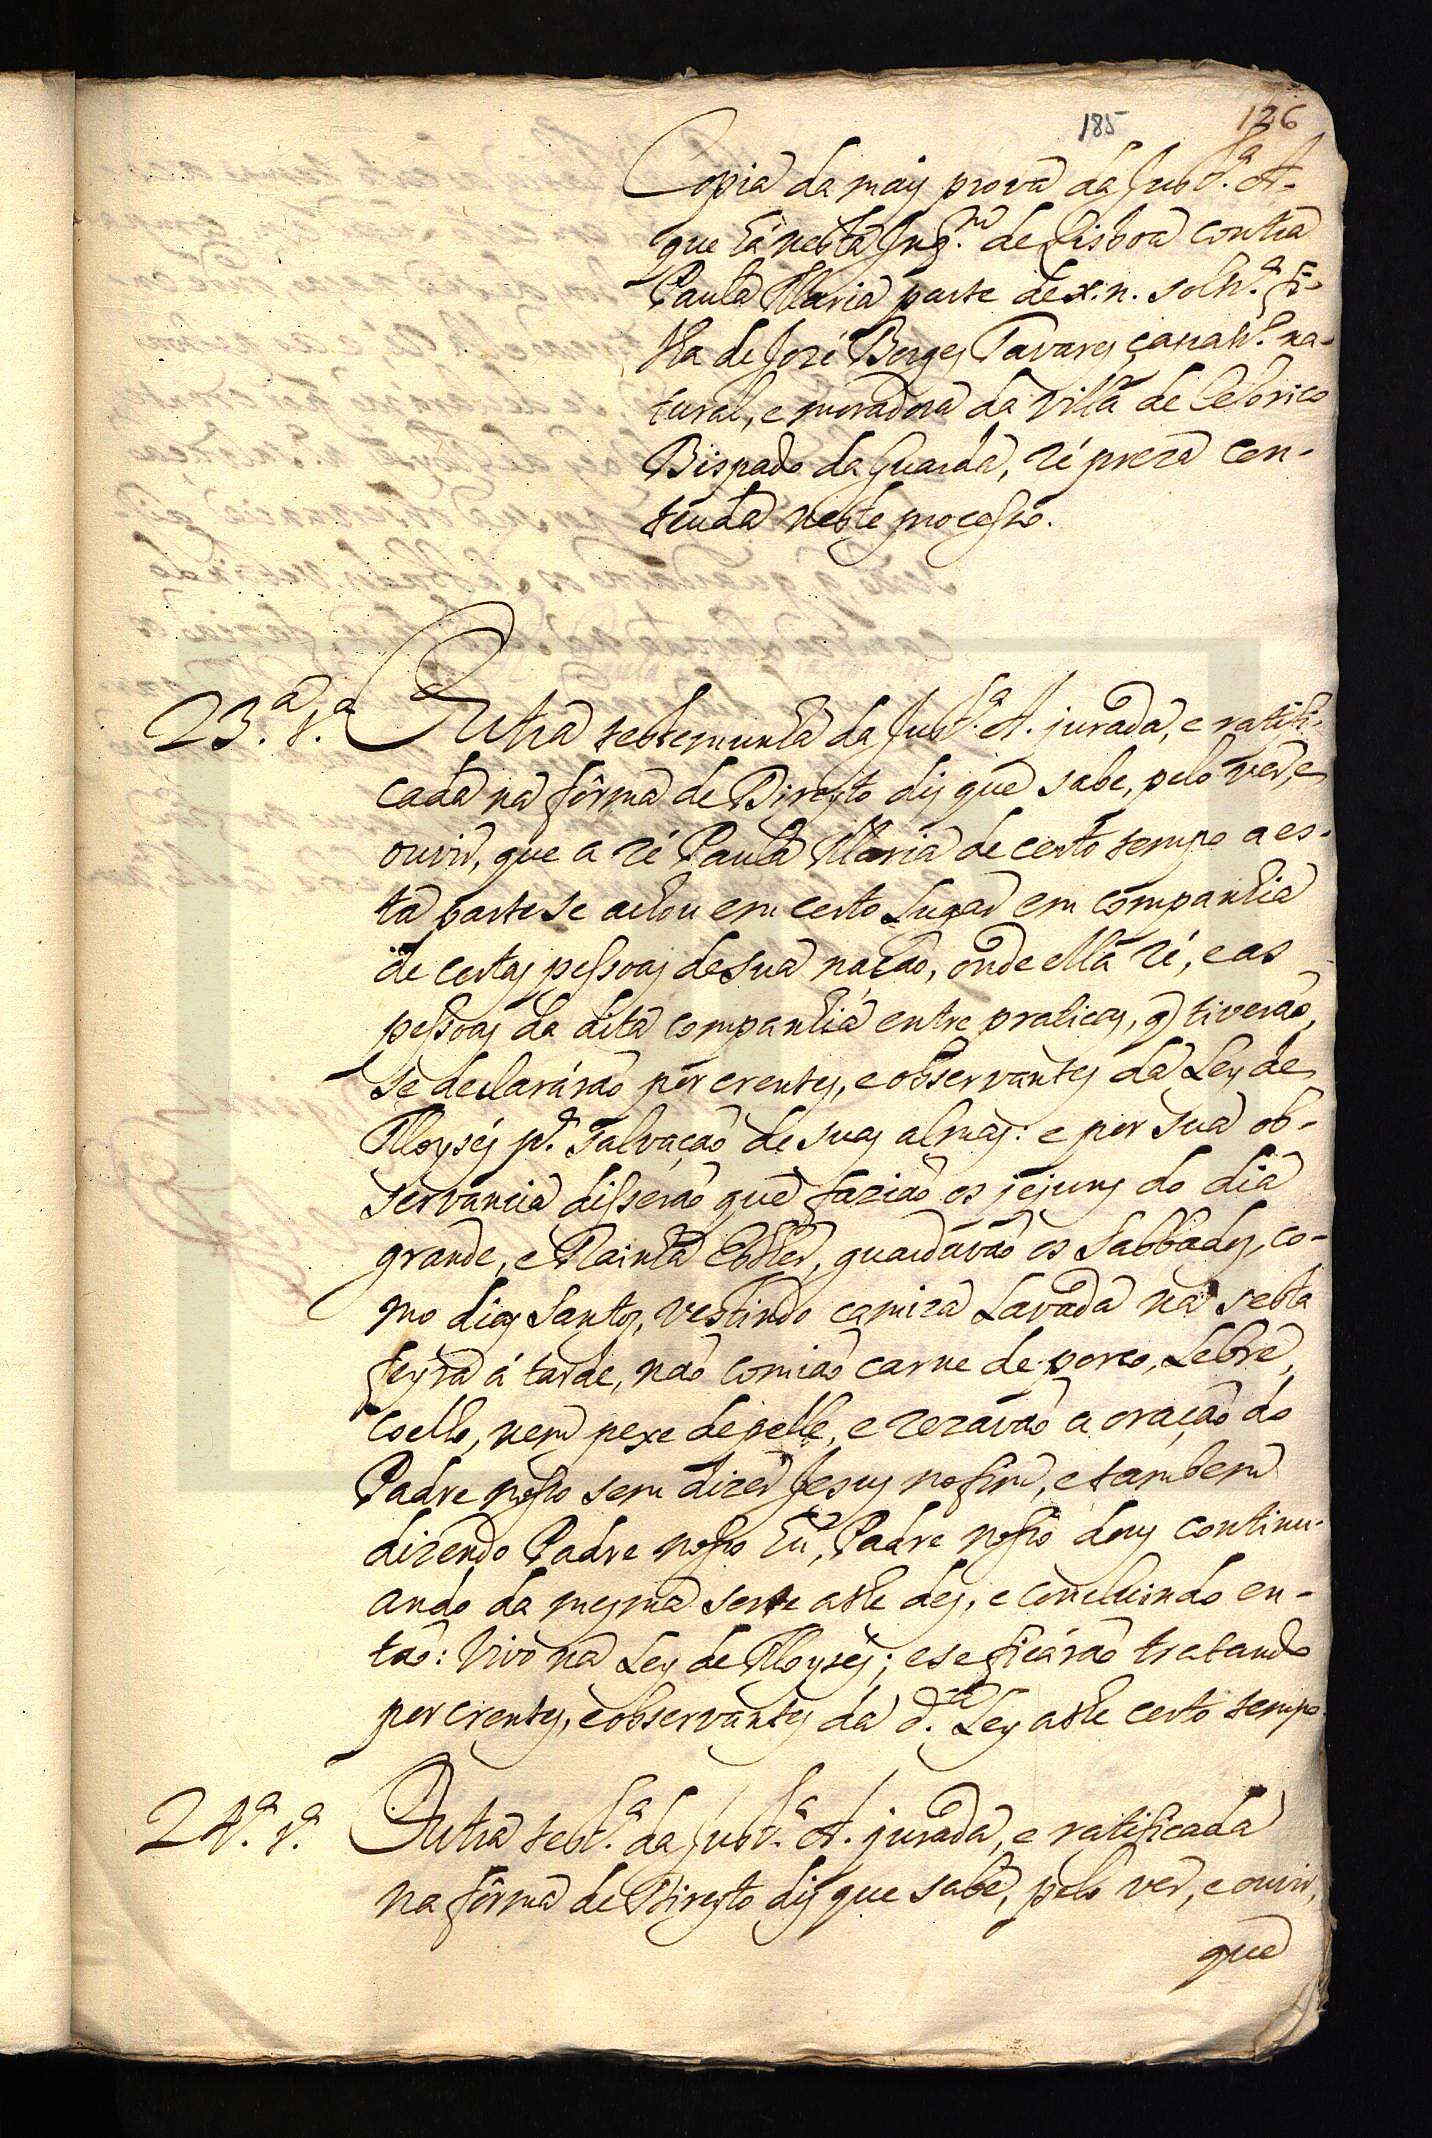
126
Copia da mais prova da Just.a A.
que há nesta Jnq.m de Lisboa contra
Paua Maria parte de x. n. soltr.a fi
lha de Jozé Borges Tavares çapatr.o na
tural, e moradora da villa de Celorico
Bispado da Guarda, Ré preza con
teuda neste processo.
23.a t.a
Outra testemunha da Just.a A. jurada, e ratifi
cada na fôrma de Direyto dis que sabe, pelo ver, e
ouvir, que a Ré Paula Maria de certo tempo a es
ta parte se achou em certo Lugar em companhia
de certas pessoas de sua naçaõ, onde ella Ré, e as
pessoas da dita companhia entre praticas, q̄ tiveraõ,
se declaráraõ por crentes, e observantes da Ley de
Moysés p.a salvaçaõ de suas almas: e por sua ob
servancia disseraõ que faziaõ os jejuns do dia
grande, e Rainha Esther, guardavaõ os Sabbados, co
mo dias santos, vestindo camiza Lavada na sesta
feyra á tarde, naõ comiaõ carne de porco, Lebre,
coelho, nem pexe de pelle, e rezavaõ a oração do
Padre nosso sem dizer Jesus no fim, e tambem
dizendo Padre nosso hū, Padre nosso dous continu
ando da mesma sorte athe des, e concluindo en
taõ: vivo na Ley de Moyzés; e se ficaraõ tratando
per crentes, e observantes da d.a Ley athe certo tempo.
24.a t.a
Outra test.a da Just.a A. jurada, e ratificada
na fôrma de Direyto dis que sabe, pelo ver, e ouvir
que
